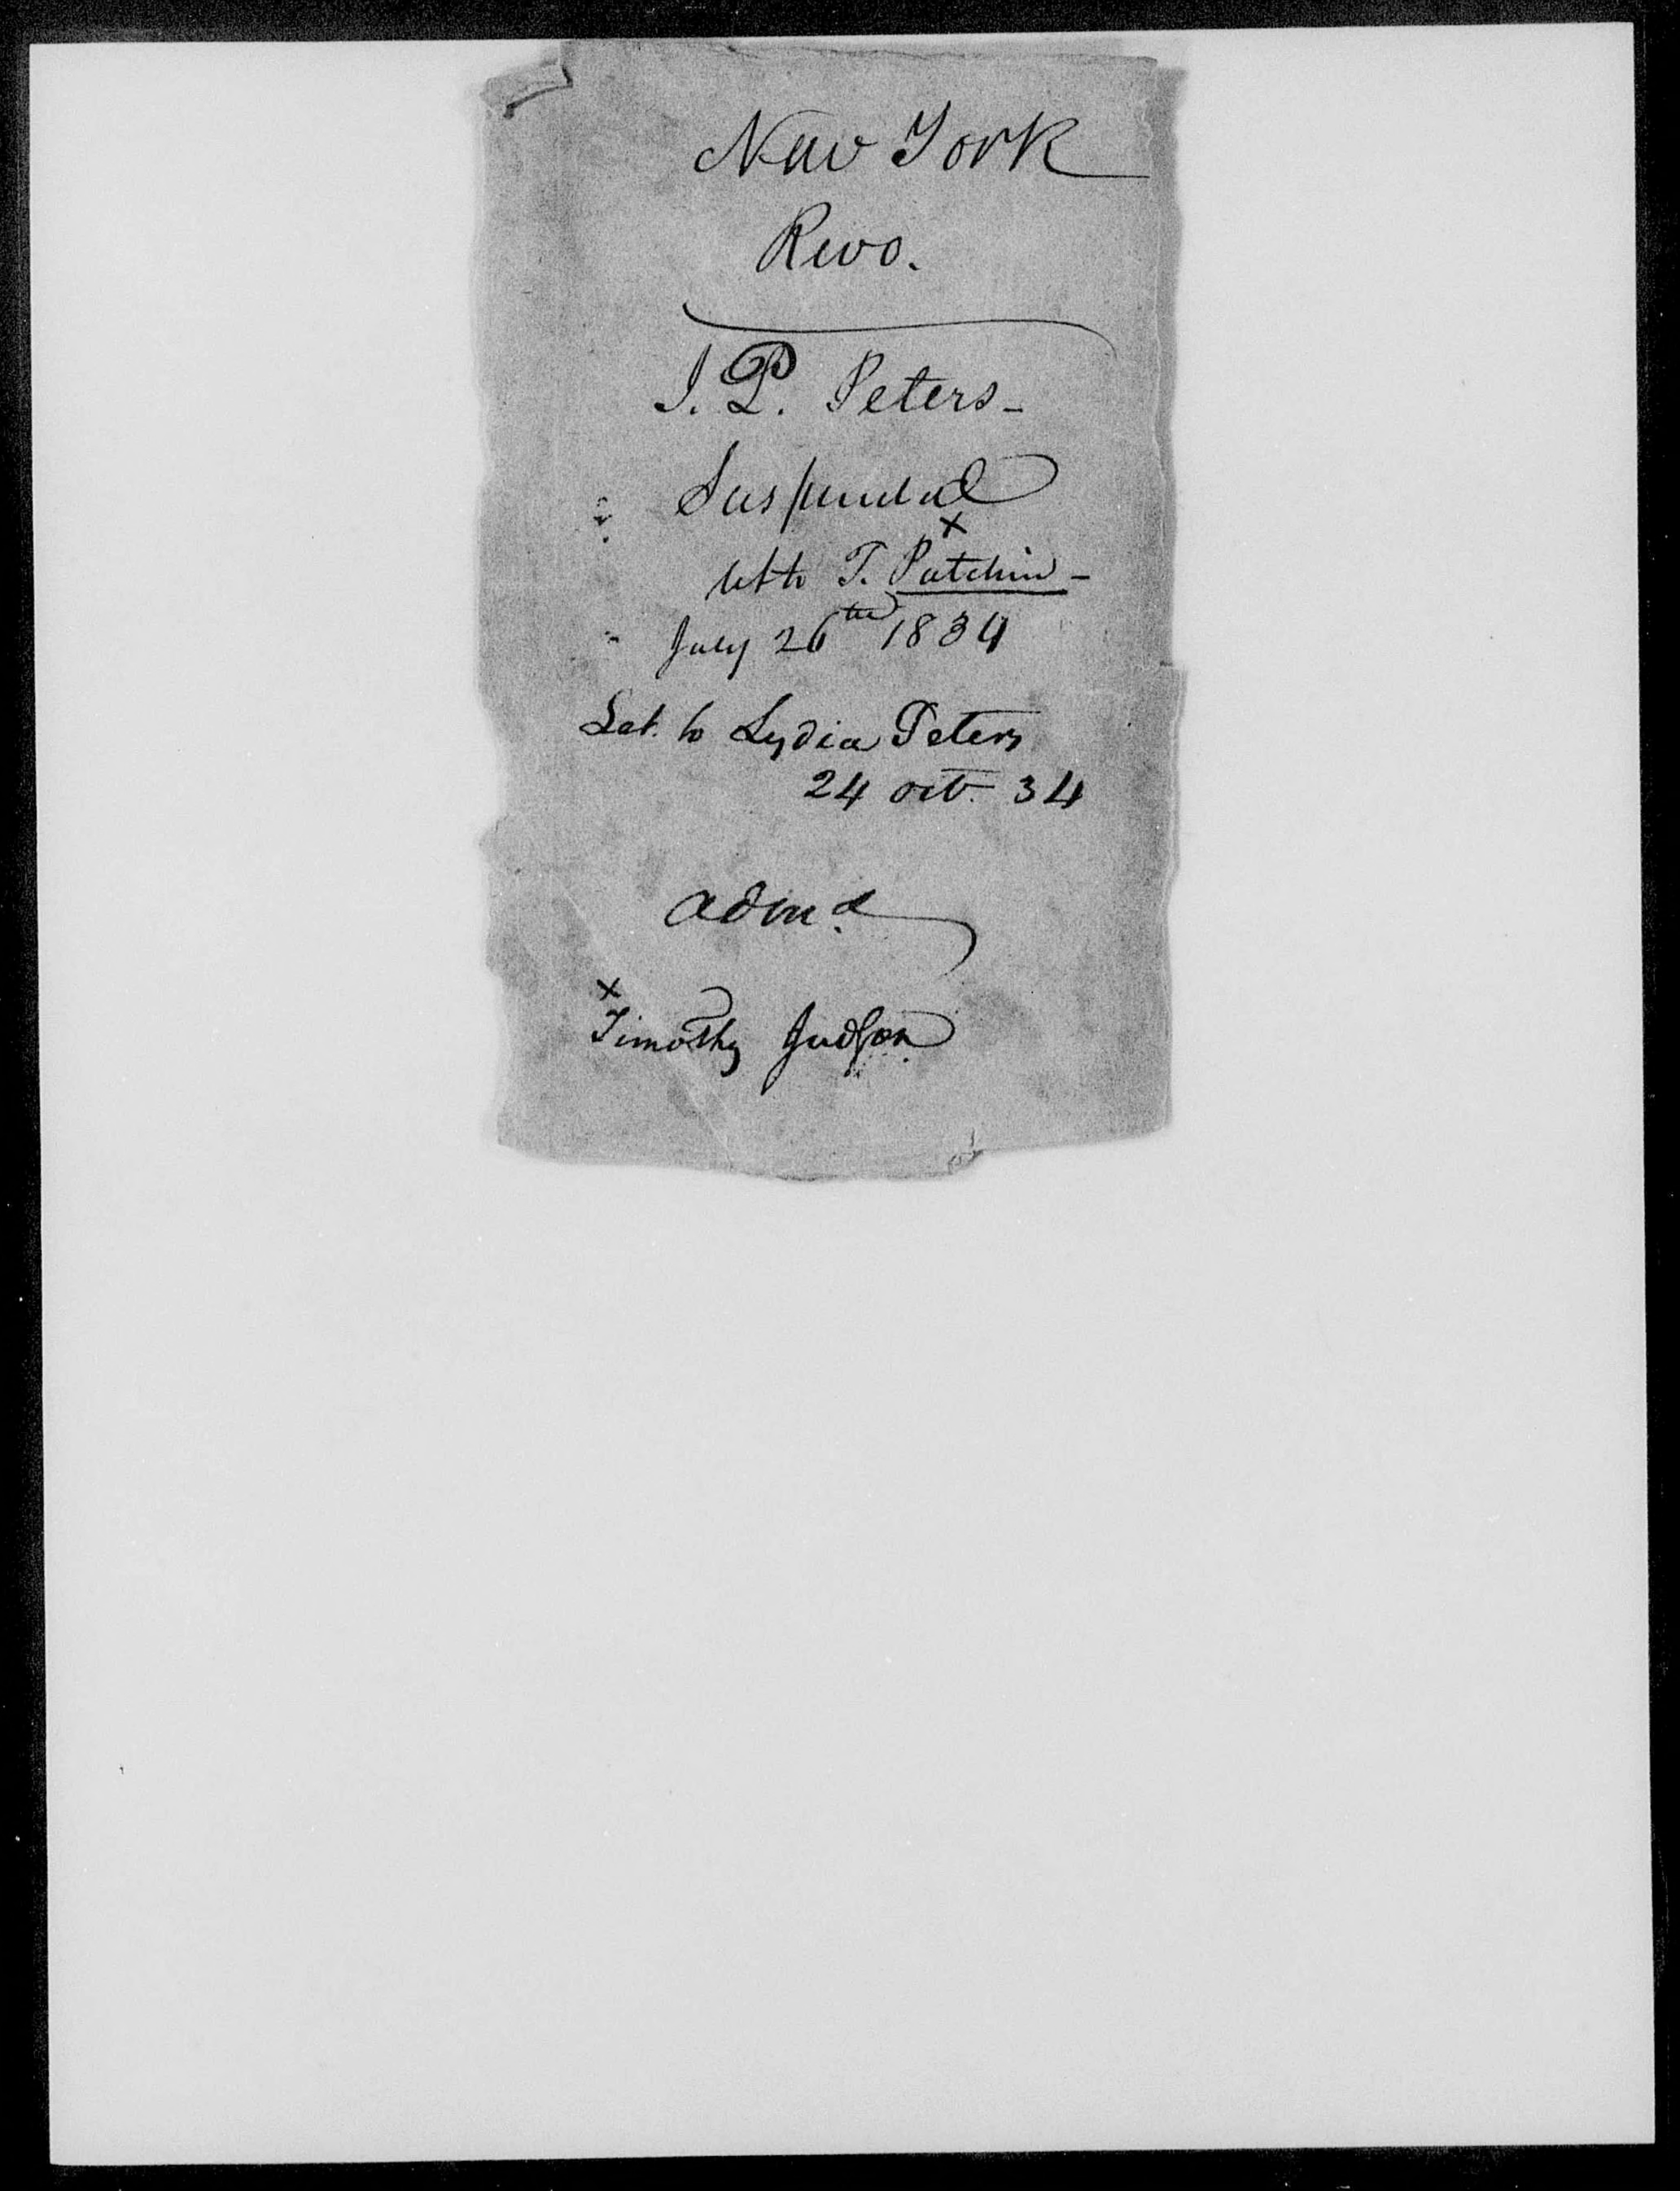New York 
Revo  
J. P. Peters 
Suspended 
Note to T. Patchin July 26 1834 
Let to Lydia Peters 24 Oct 34
Admd [admitted]  
Timothy Judson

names: Timothy Judson; Lydia Peters; T Patchin; J P Peters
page: 36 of 73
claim: widow's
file: W. 2338, for Joseph P Peters, Connecticut